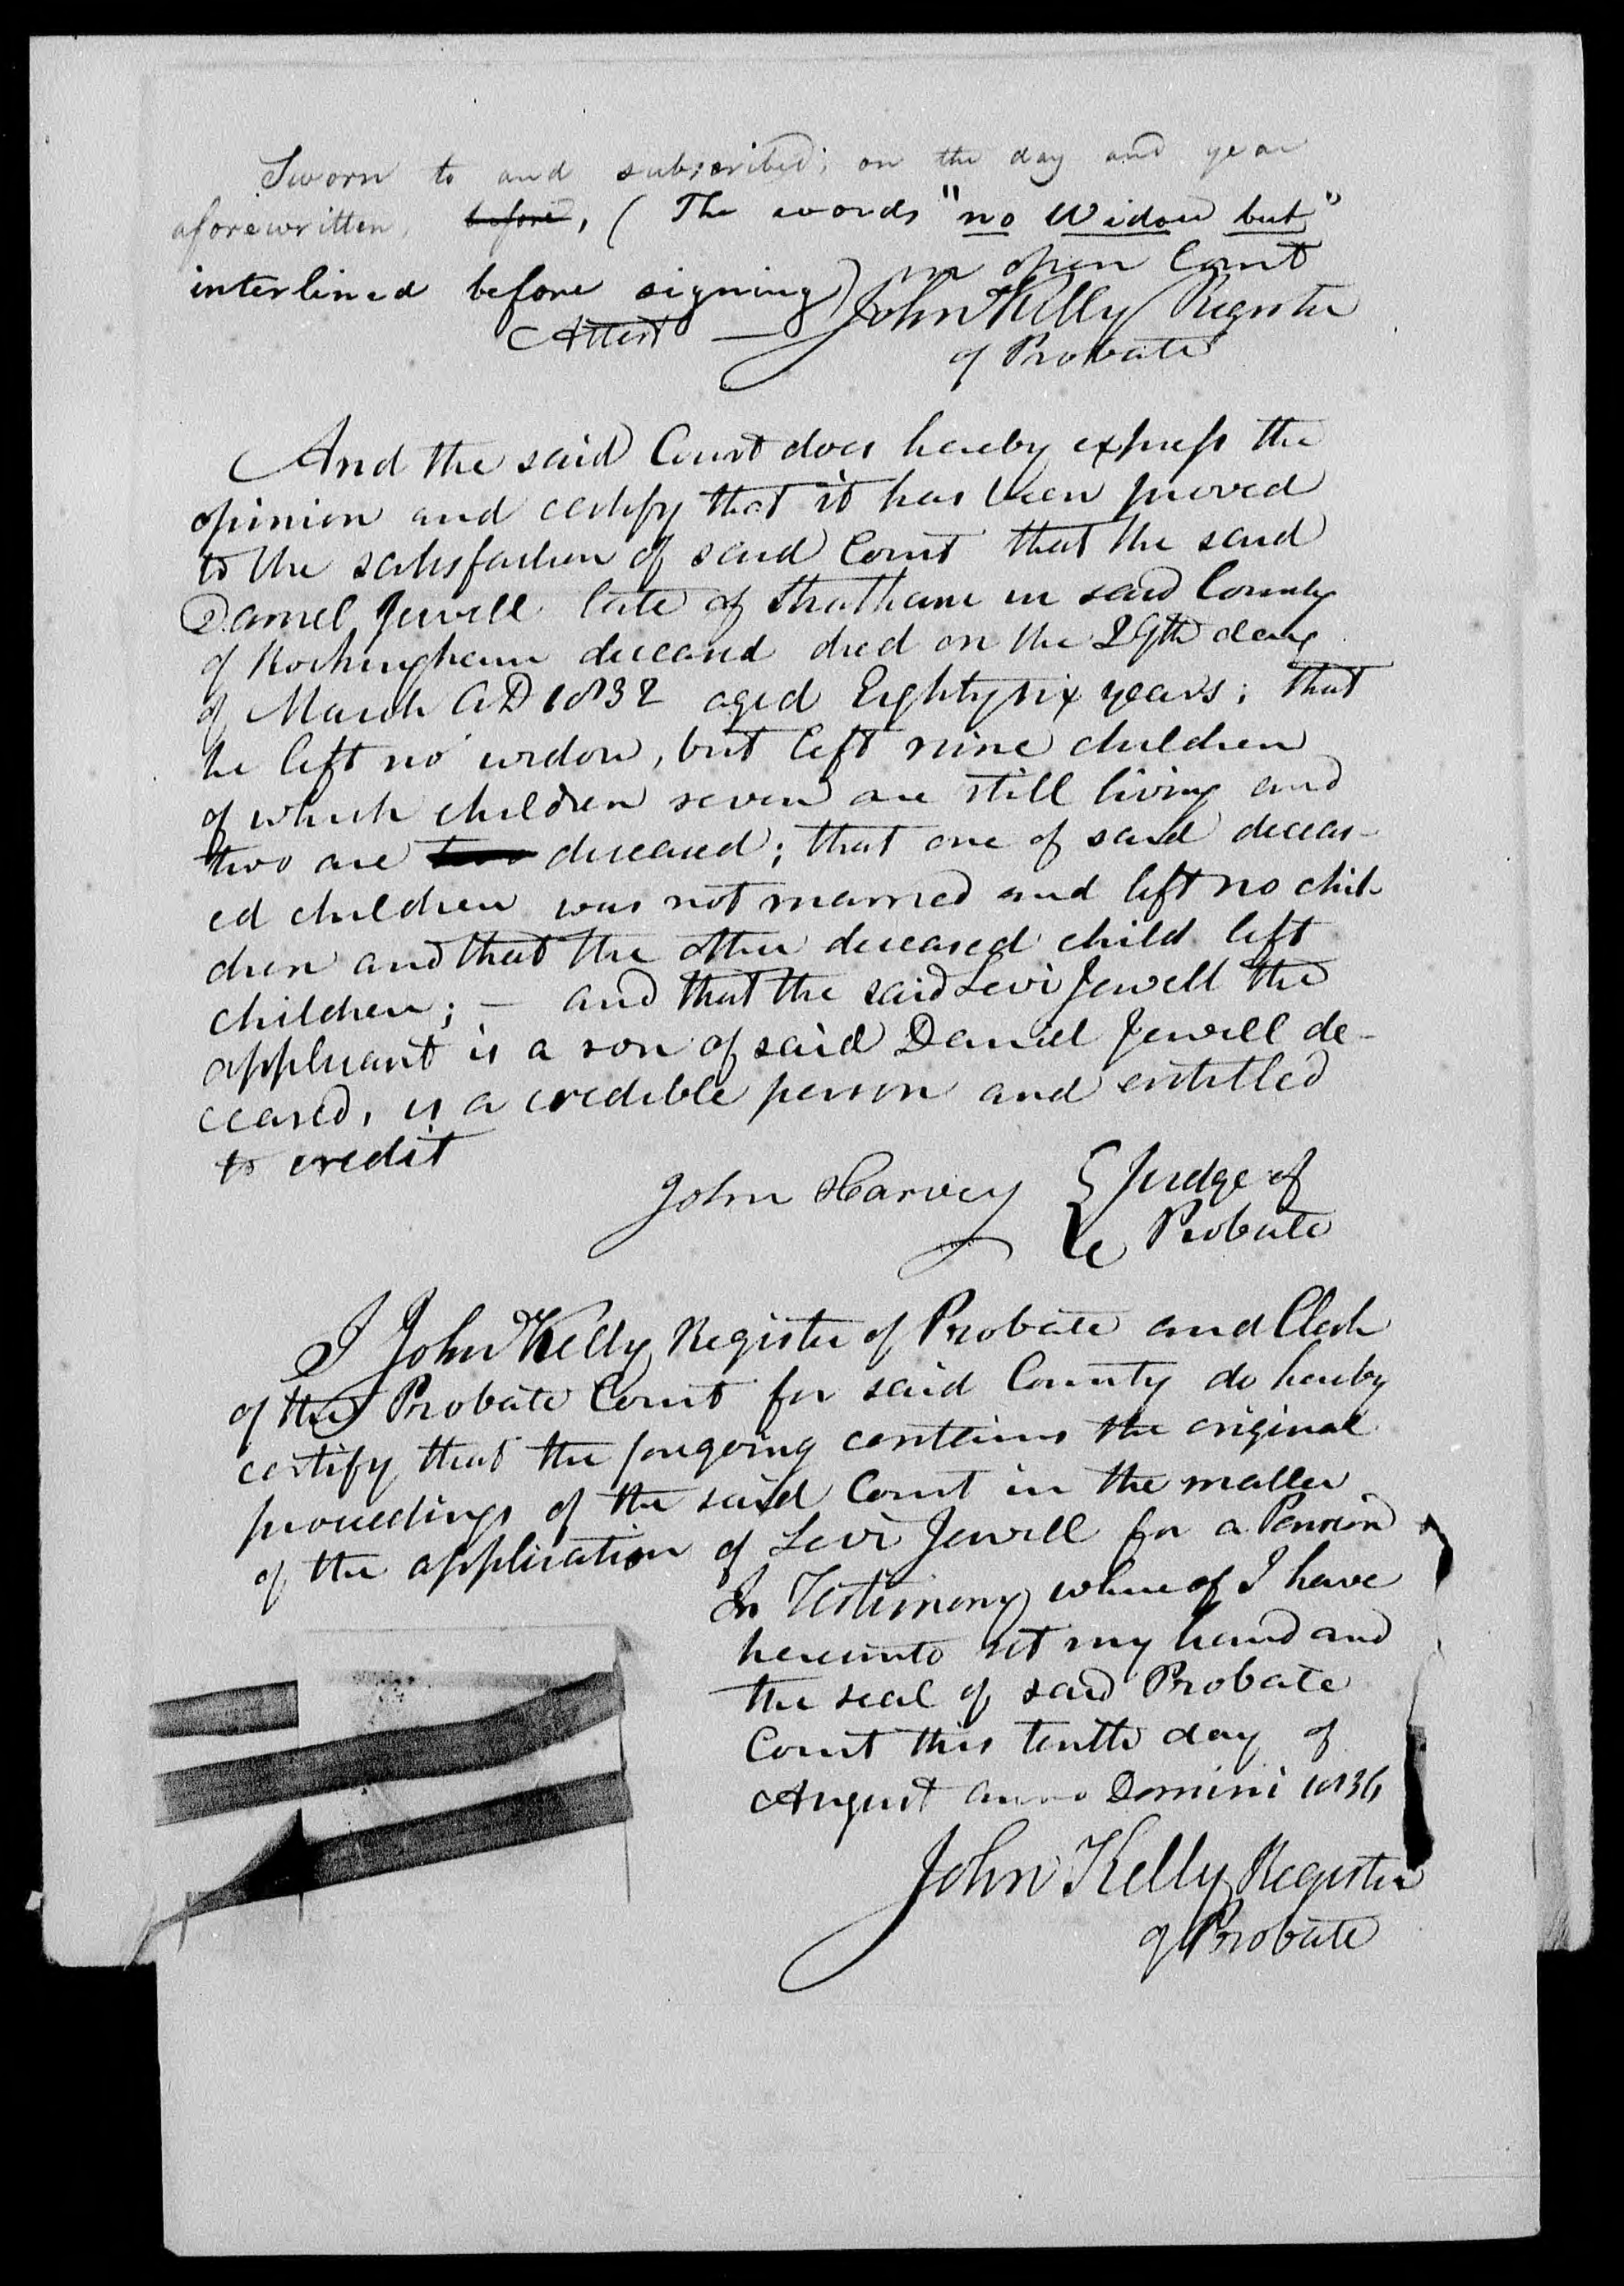Sworn to and subscribed, on the day and year
aforewritten (The words "no Widow but" interlined before signing) in open court Attest -John Kelly Register of Probate
And the said Court does hereby express the
opinion and certify that it has been proved to
the satisfaction of said Court that the said
Daniel Jewell late of Stratham in said County
of Rockingham deceased, died on the 29th day
of March AD 1832 aged Eighty six years; that
he left no widow, but left nine children of which children seven are still living and two are deceased; that one of said deceased children was not married and left no children; - and that the other deceased child left children; -
and that the said Levi Jewell the applicant is a son of said Daniel Jewell deceased, is a credible person and entitled to credit
John Harvey {Judge of Probate

I John Kelly, Register of Probate and Clerk
of the Probate Court for said County do hereby
certify that the foregoing contains the original
proceedings of the said Court in the matter
of the application of Levi Jewell for a Pension 
In Testimony whereof I have hereunto set my hand and the seal of said Probate Court this tenth day of August Anno Domini 1836
John Kelly Register of Probate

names: John Harvey; Levi Jewell; Daniel Jewell; John Kelly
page: 5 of 35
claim: survivor's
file: S. 10912, for Daniel Jewell, New Hampshire